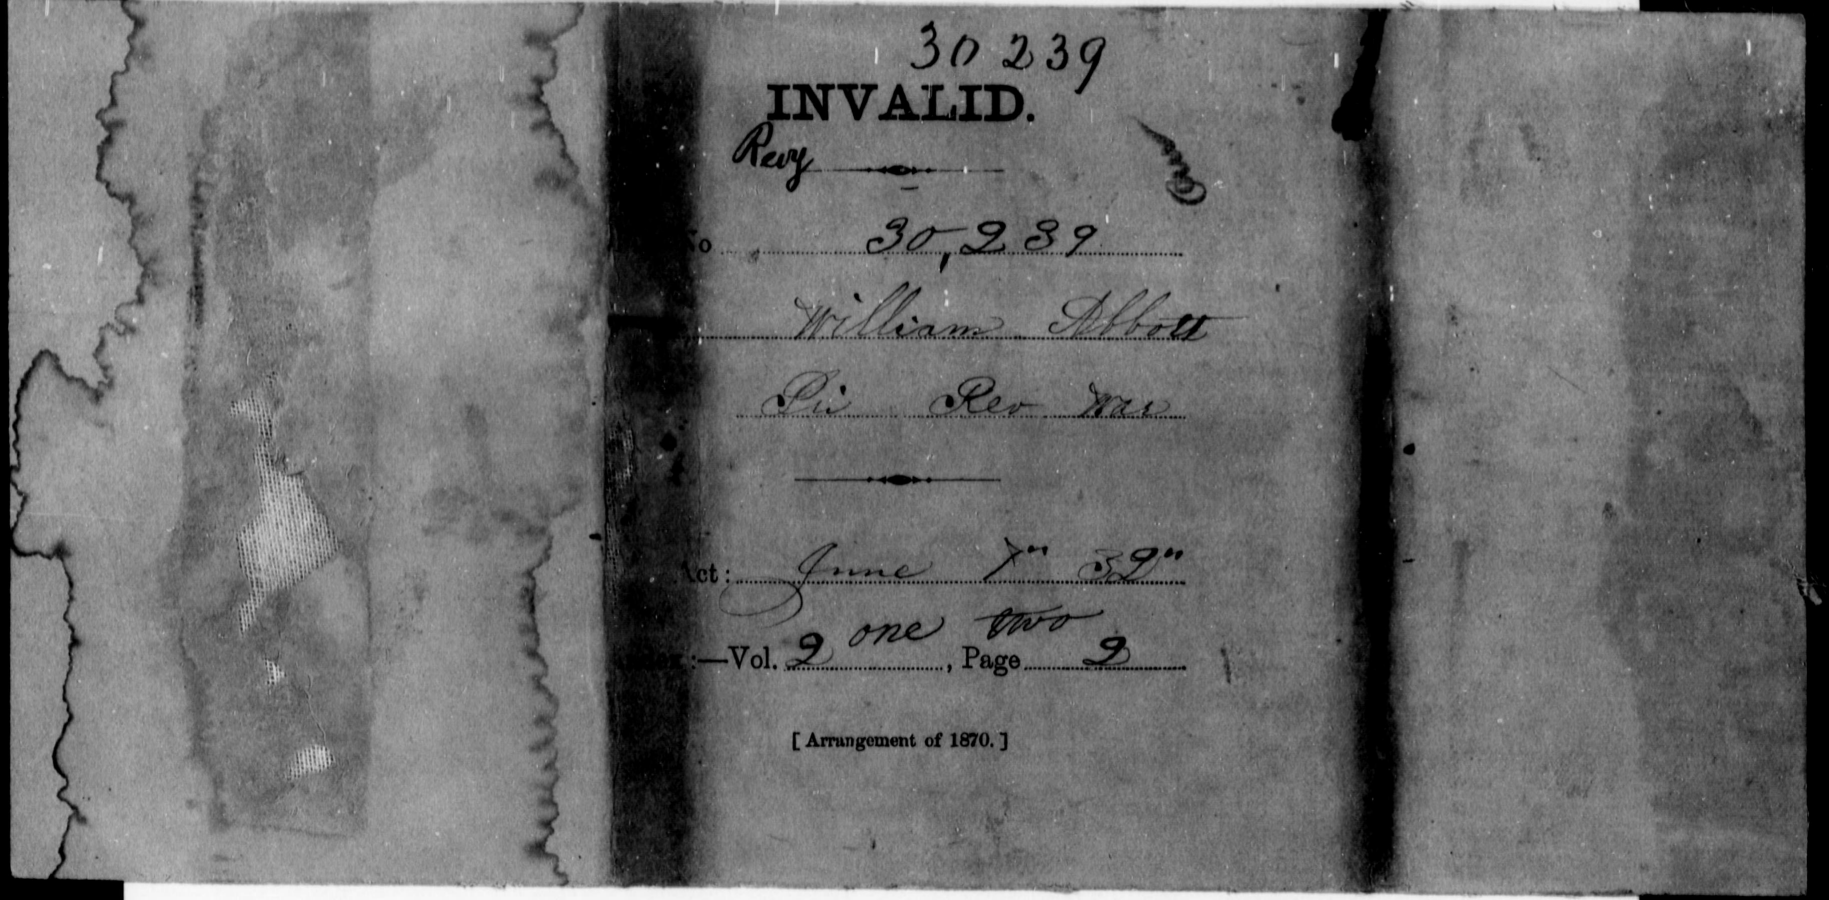30239
INVALID.
Revy
File No 30,239
William Abbott
Pri Rev War
Act: June 7" 32"
Index:- Vol. 2 one, Page two 2
[Arrangement of 1870.]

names: William Abbott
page: 10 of 38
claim: survivor's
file: S. 30. 239, William Abbott, S.C.